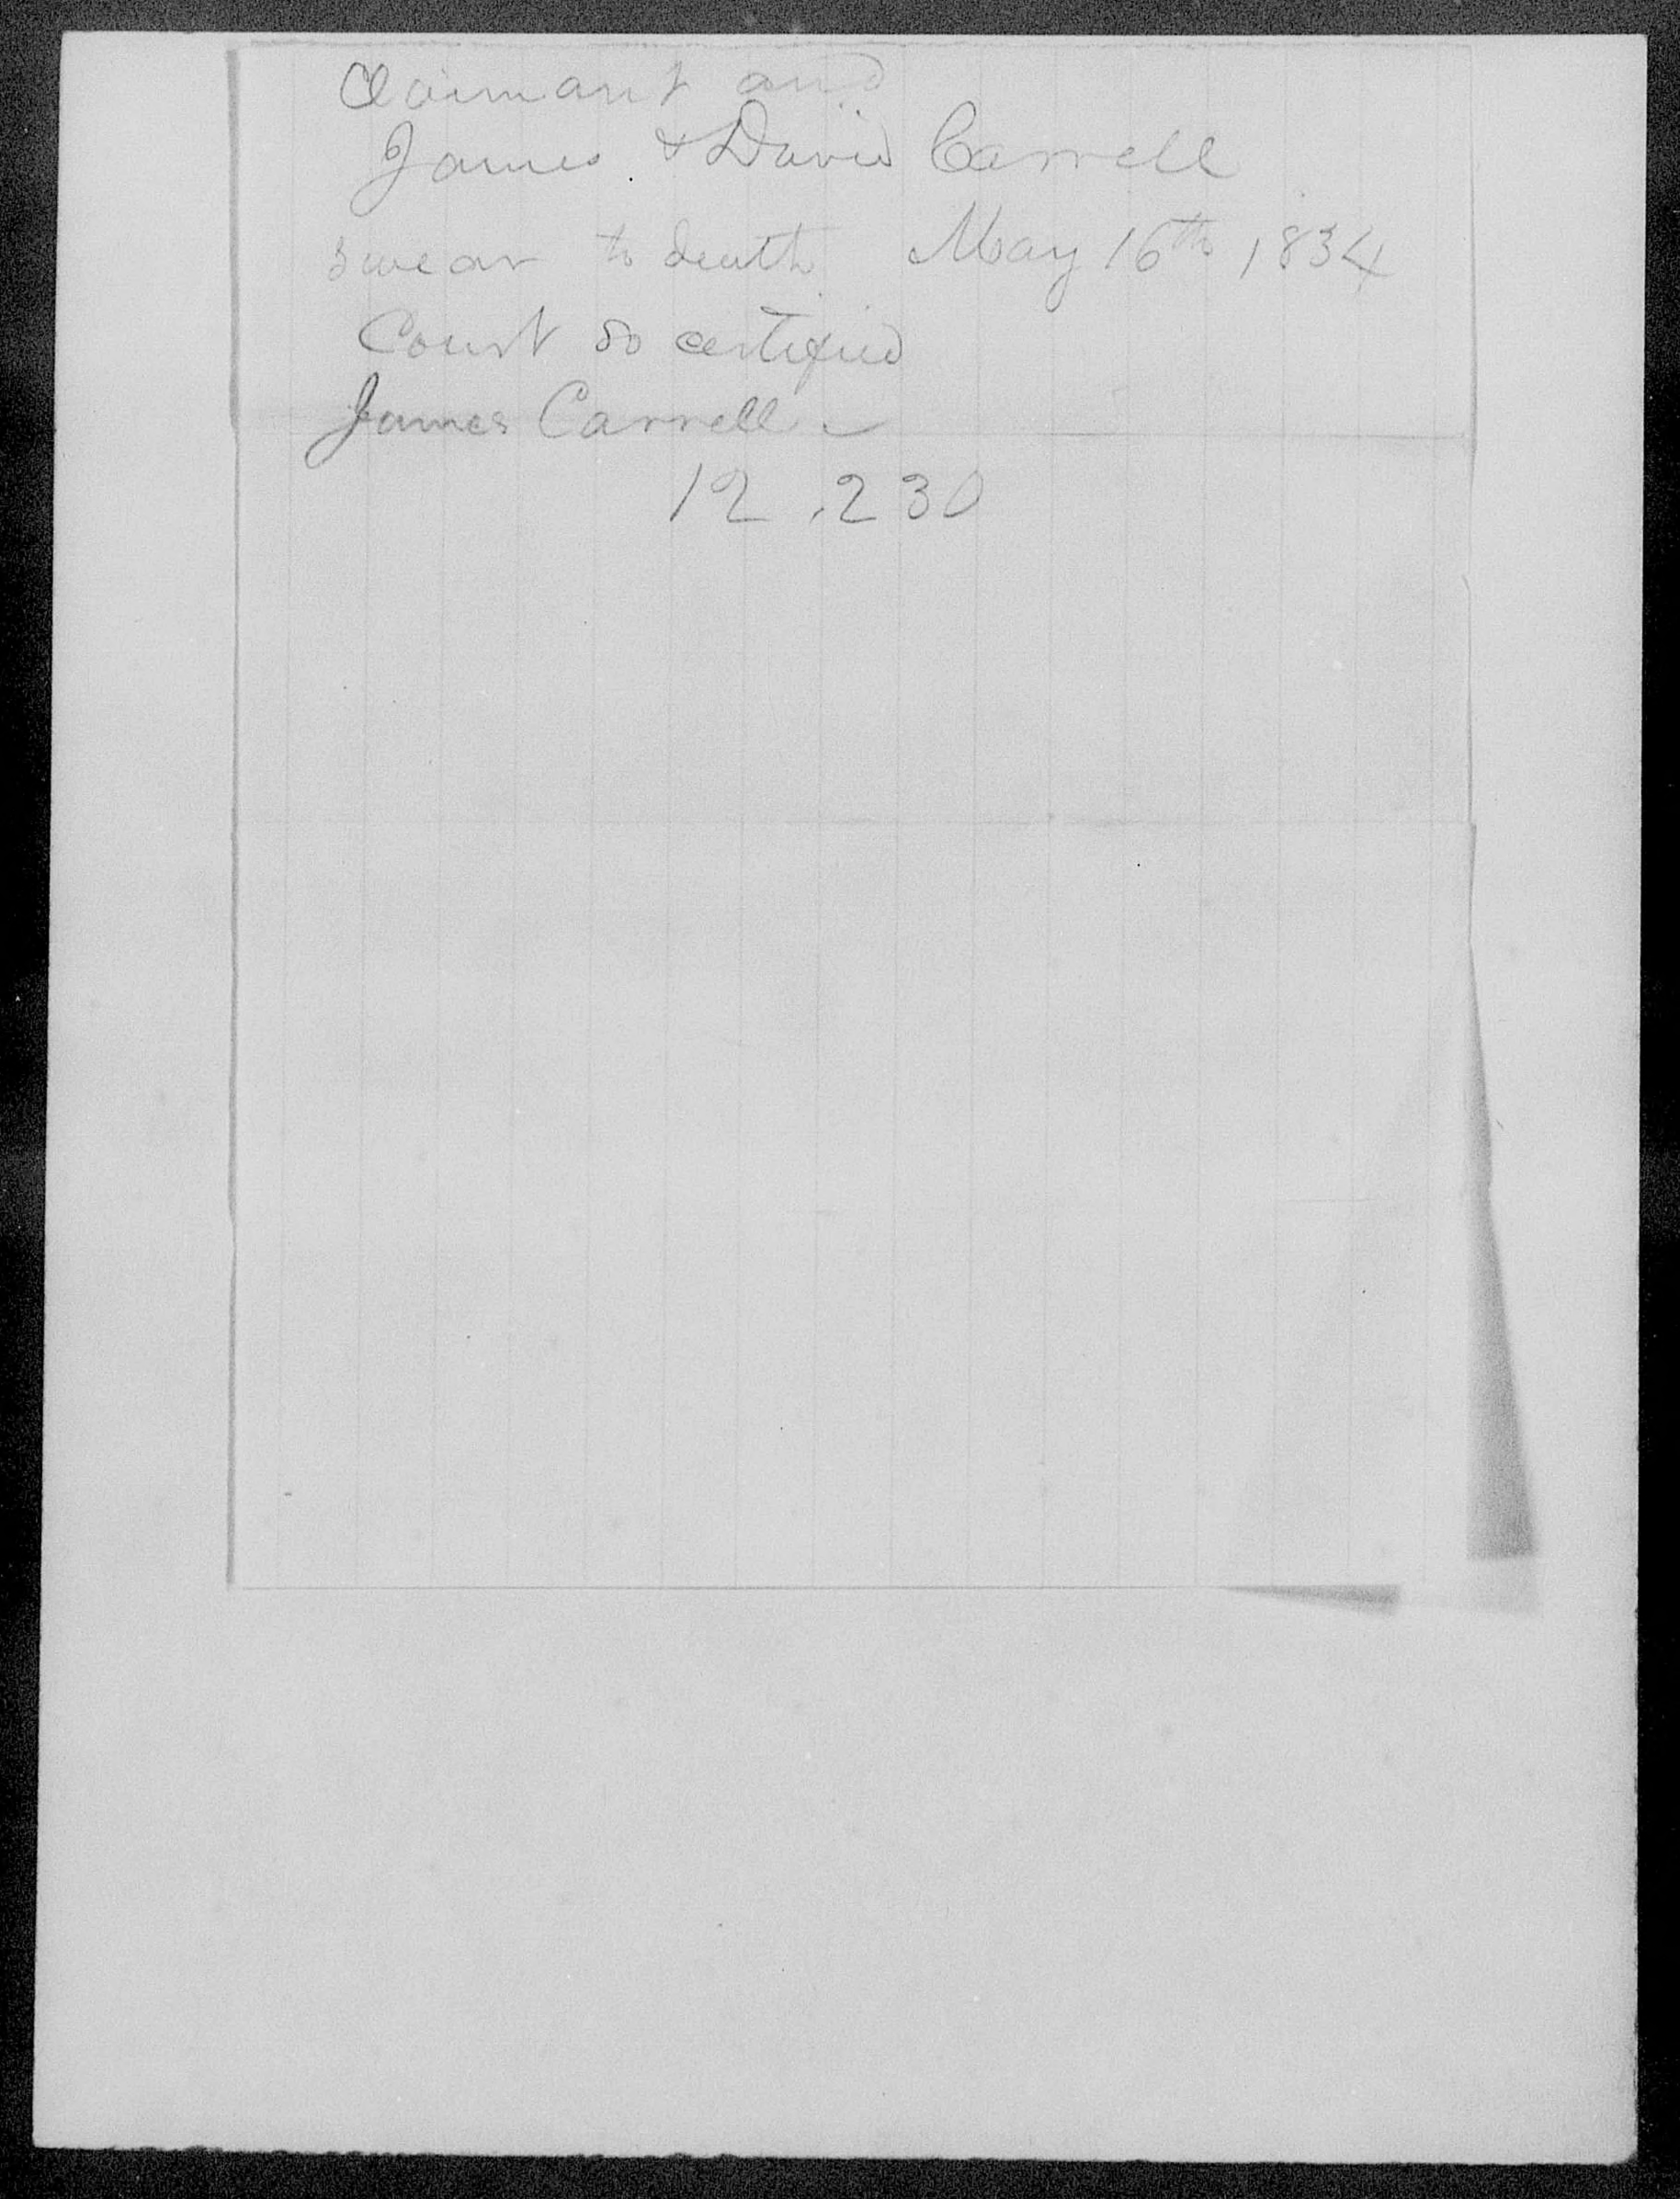Claimant and James and David Carrell swear to death May 16th 1834
Court so certified
James Carrell
12.230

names: David Carrell, James Carrell, James Carrell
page: 76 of 86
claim: widow's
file: W. 6899, James Carrell, N.C.